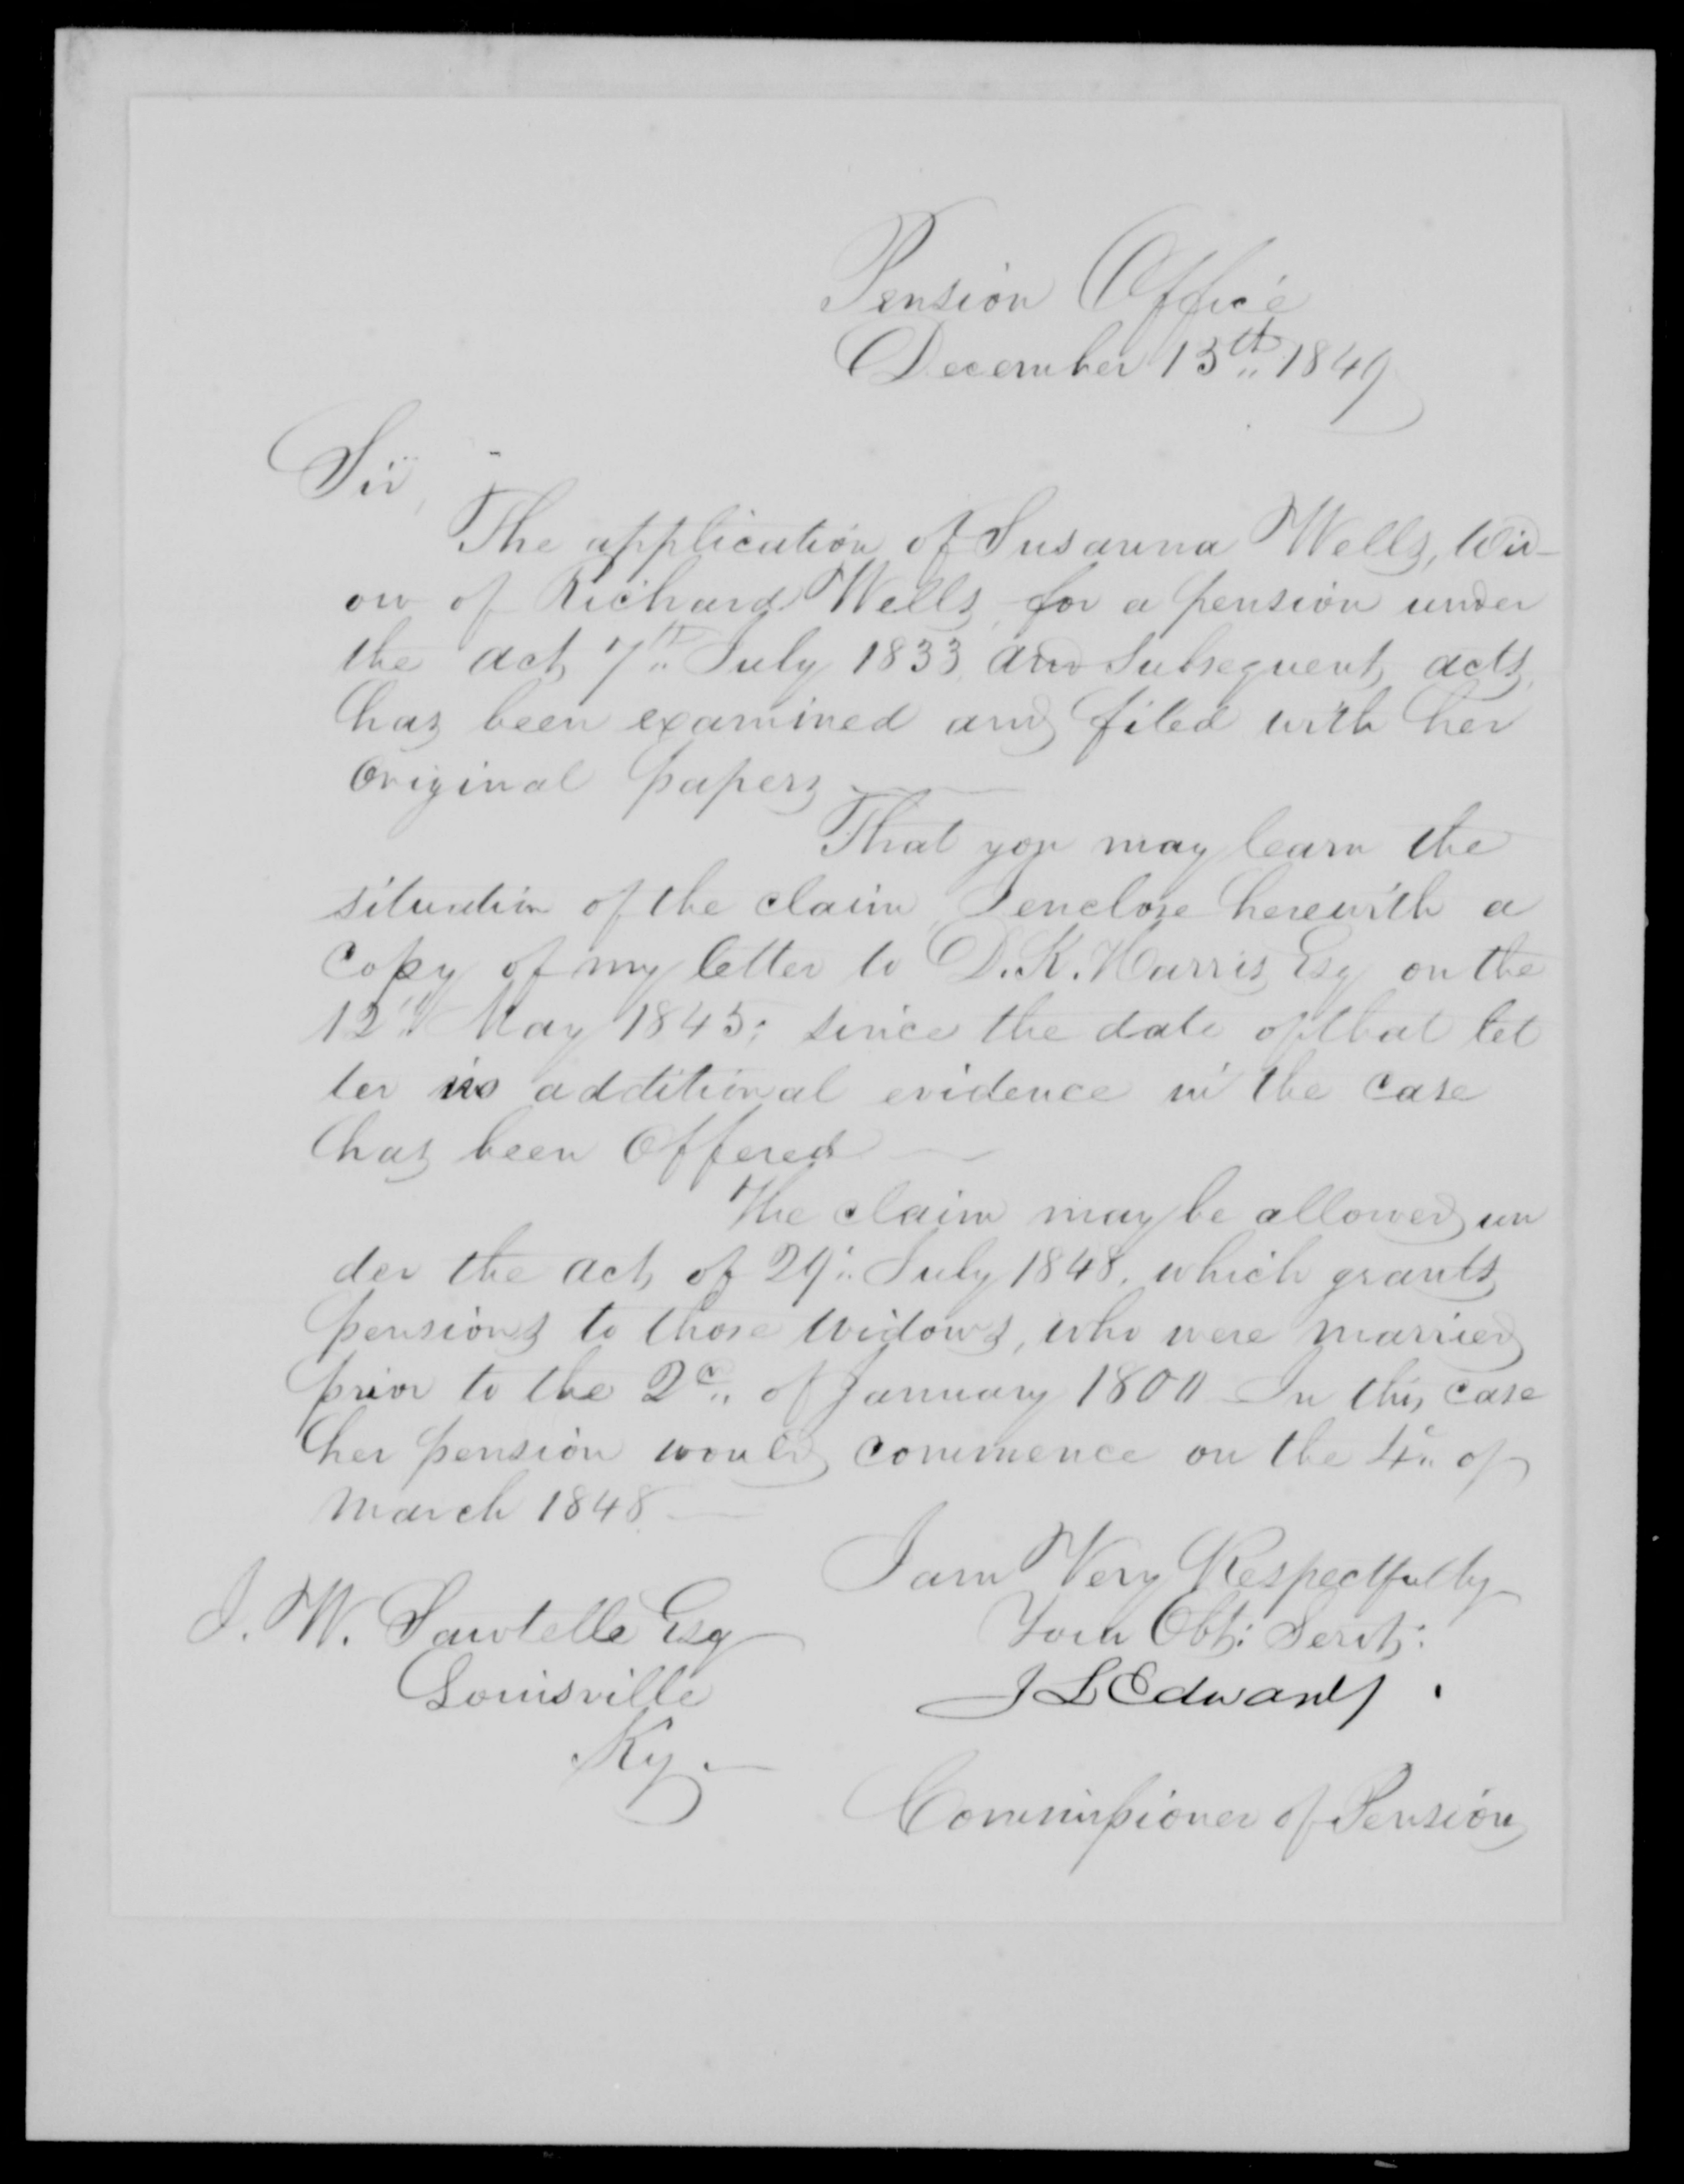Pension Office
December 15th 1840
Sir
The application of Susanna Wells, Widow
 of Richard Wells for a pension under the
act 7th July 1833 and Subsequent acts
has been examined and filed with her
original papers.
That you may learn the situation of the claim
 I enclose herewith a Copy of my letter to
 D. K. Harris Esq on the 12 May 1845;
 since the date of that letter is additional
 evidence in the case has been offered--
The claim may be allowed under
the act of 29 July 1848, which grants
pensions to those widows, who were married
prior to the 2d of January 1800. In this case
her pension would commence on the 4th of
March 1848
I am Very Respectfully
Your Obt. Servt.
J L Edwards
Commissioner of Pensions

J. W. Sawtelle Esq
Louisville
Ky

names: J W Sawtelle, Richard Wells, D K Harris, Susanna Wells, J L Edwards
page: 66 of 100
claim: widow's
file: W. 6437, Richard Wells, Ga Va.